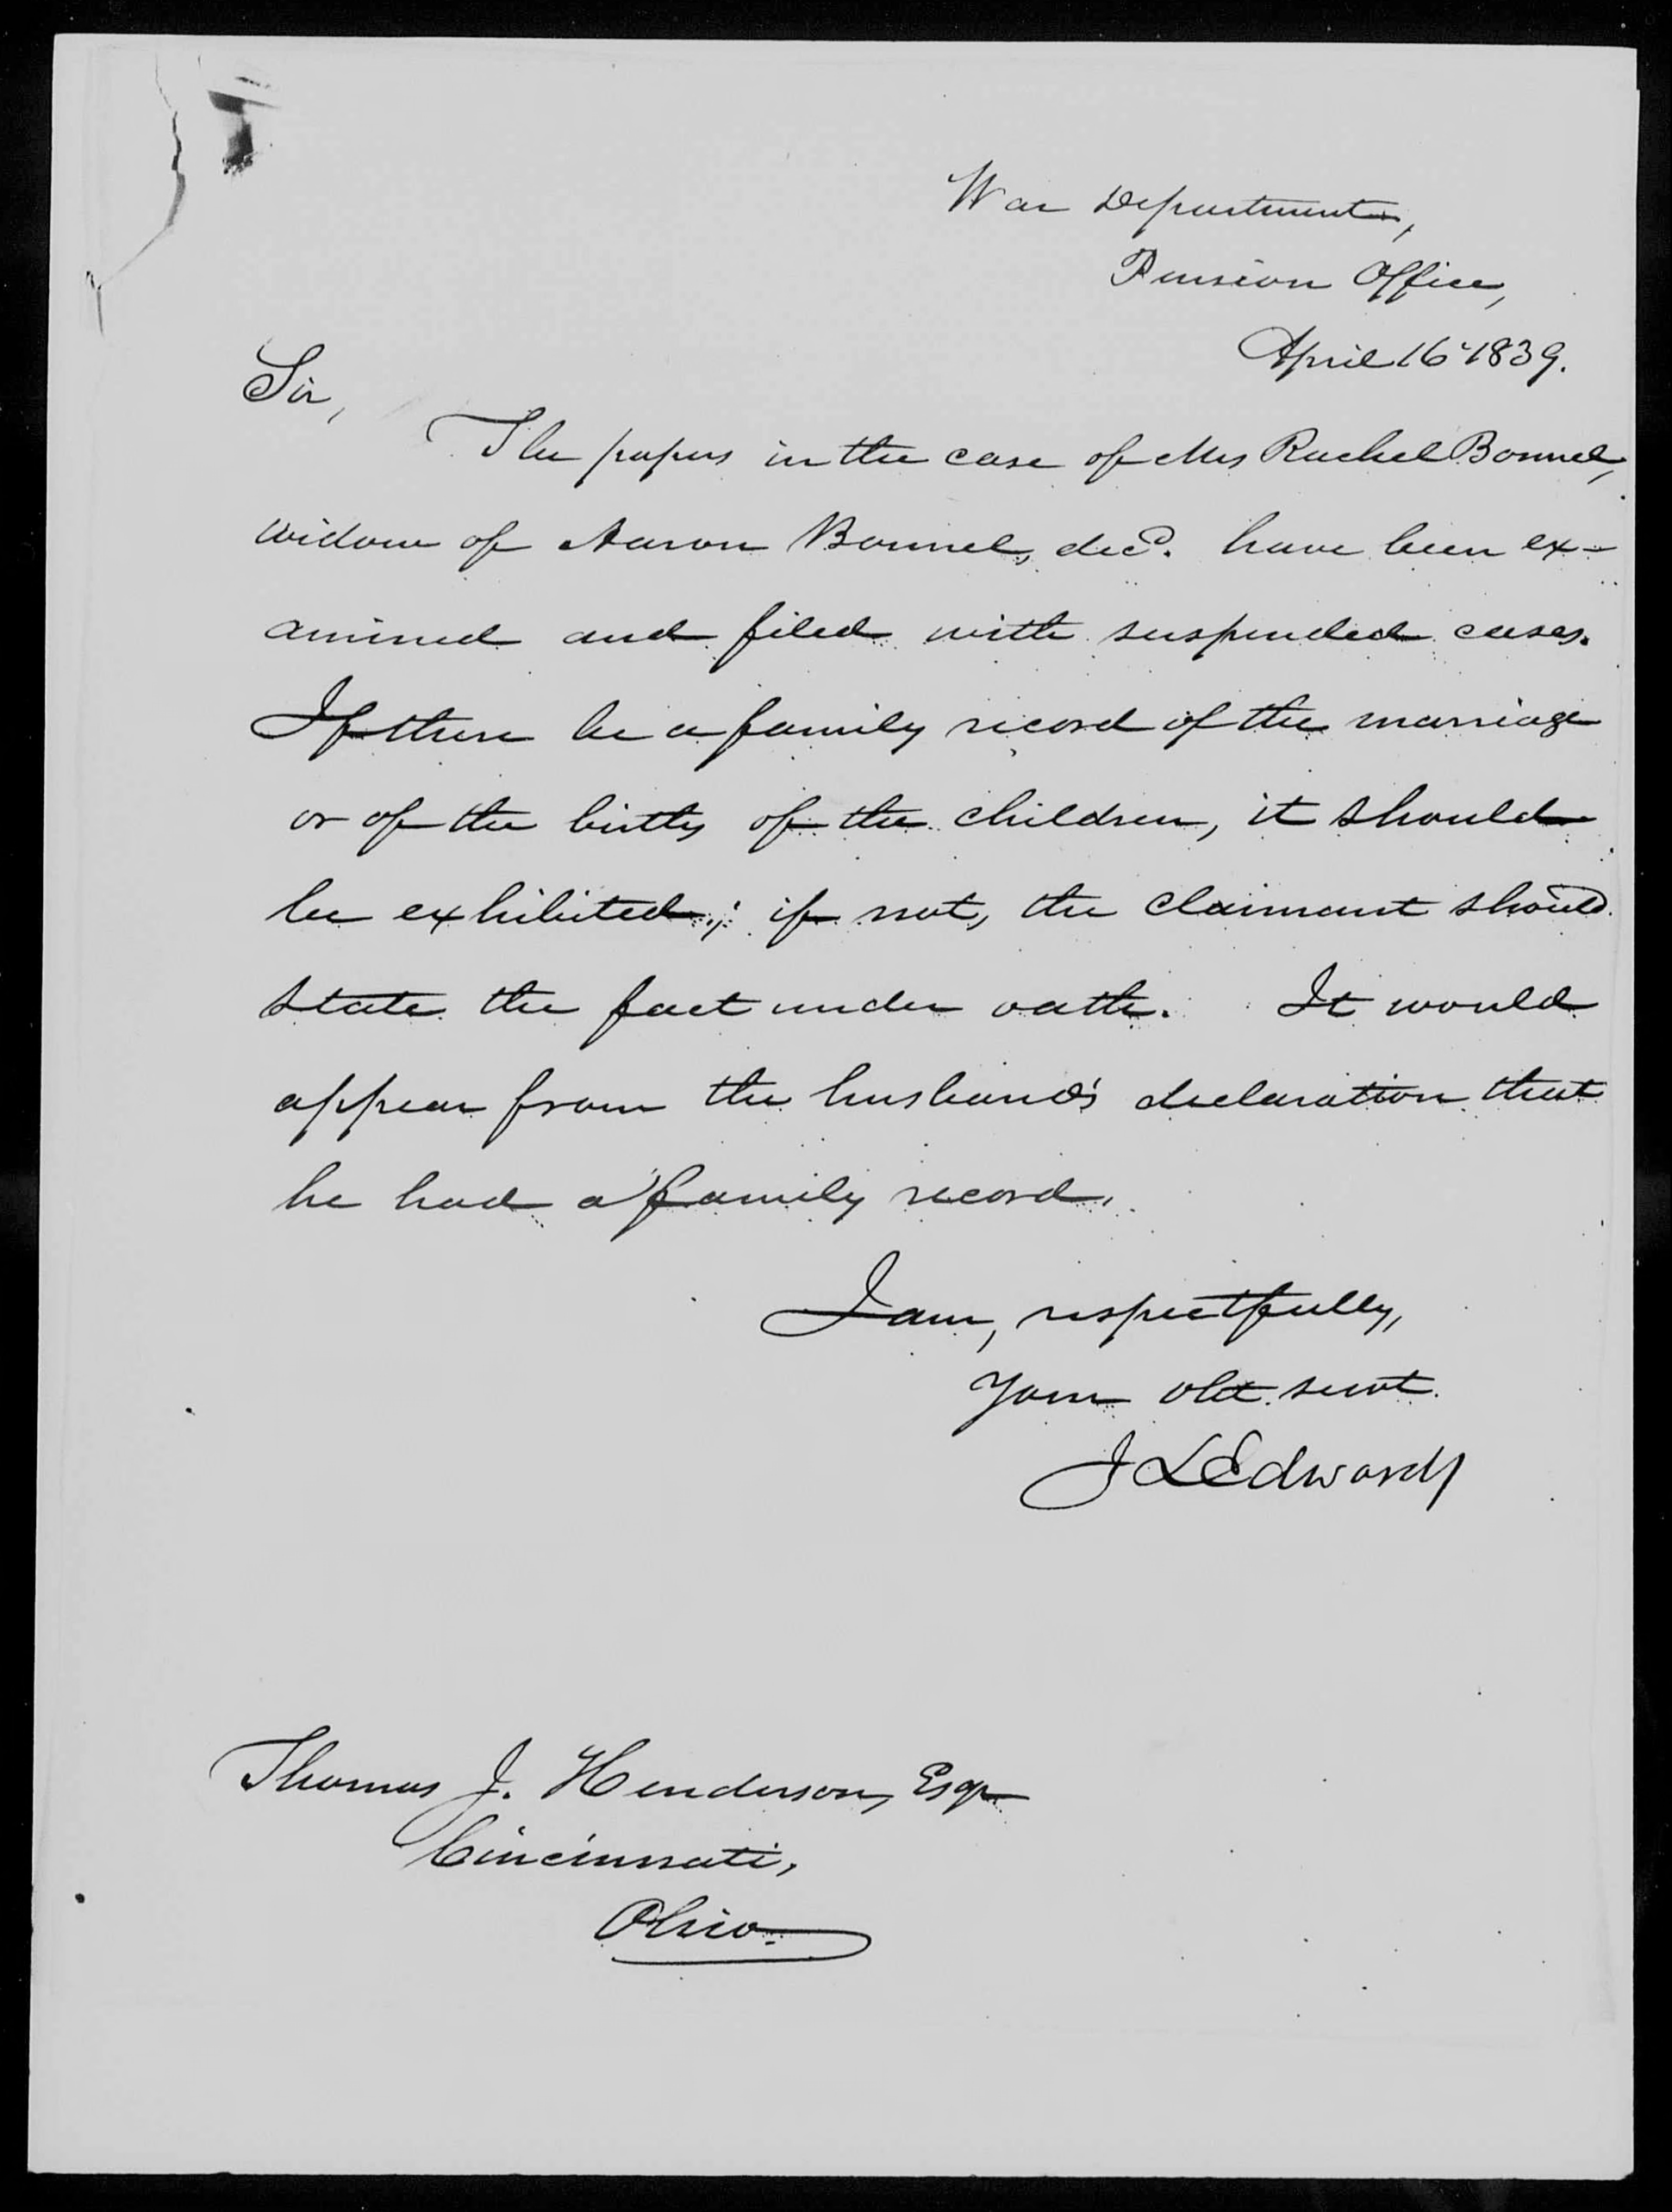War Department
Pension Office
April 16, 1839
Sir,
The papers in the case of Mrs. Rachel Bonnel, widow of Aaron Bonnel Decd have been examined and filed with suspended cases.  If there be a family record of the marriage or of the births of the children, it should be exhibited; if not, the claimant should state the fact under oath.  It would appear from the husband's declaration that he had a family record. 

I am respectfully
your obt servt
J.L. Edwards

Thomas J. Henderson Esq
Cincinnati, Ohio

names: Rachel Bonnel, Thomas J Henderson, Aaron Bonnel, J L Edwards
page: 44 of 67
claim: rejected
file: R. 1009, Aaron Bonnel, New Jersey